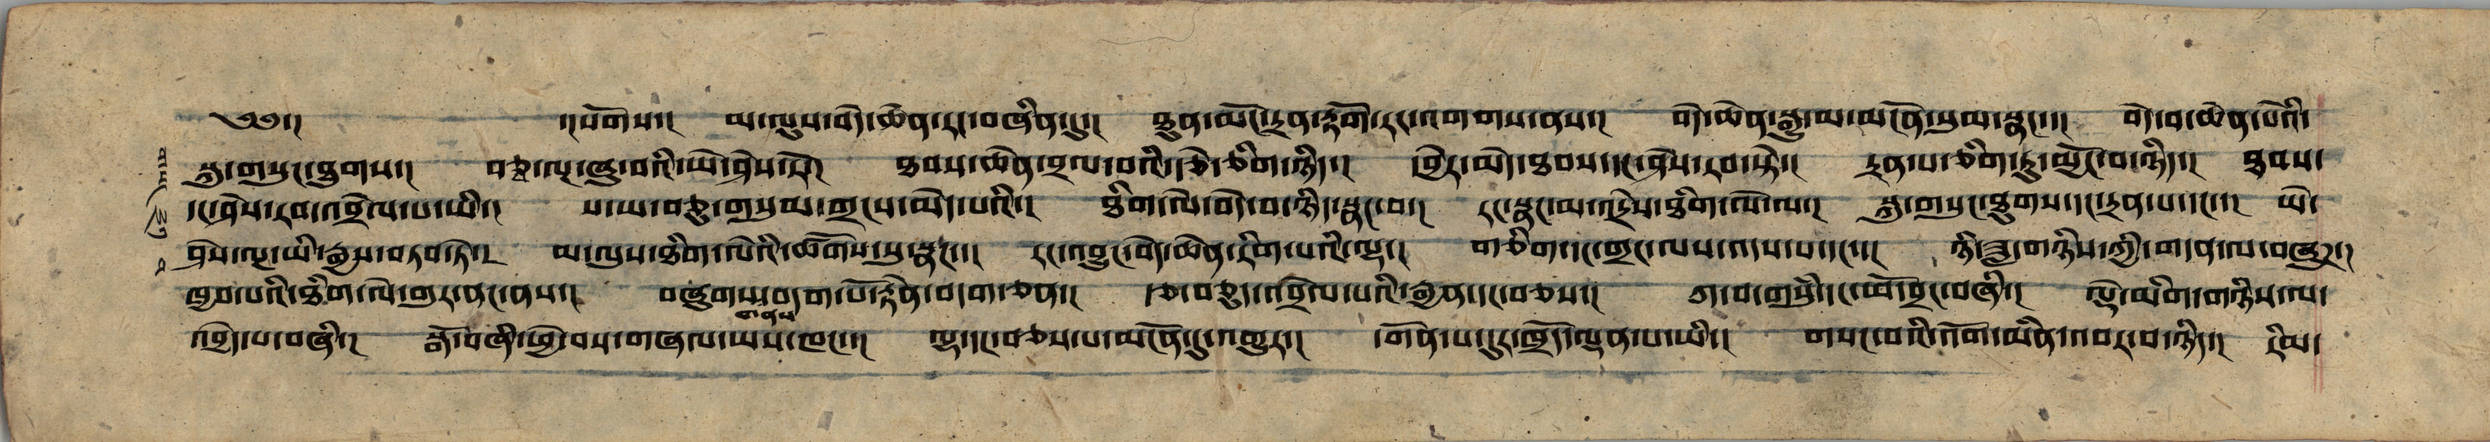༄༅་། ་།སོགས་། མ་ལུས་བདེ་ཆེན་རང་བཞིན་དུ་། ཐུན་མོང་དྲན་རྟོག་རང་འགགས་ནས་། བདེ་ཆེན་སྒྱུ་མ་མངོན་སུམ་སྣང་་། བདེ་བ་ཆེན་པོའི་
སྐུ་གསུང་ཐུགས་། བཅྭ་ལྔ་ཞུ་བའི་ཡེ་ཤེས་ཏེ་། ཐབས་ཆེན་བྲལ་བའི་རྩེ་ཅིག་ཉིད་། དབྱེར་མེད་ཐབས་དང་ཤེས་རབ་སྟེ་། དྲན་པ་ཅིག་ཏུ་མྱོང་བ་ཉིད་། ཐབས་
དང་ཤེས་རབ་འབྲེལ་པ་ཡི་། ས་ཡ་བཅུ་གསུམ་གྲངས་མེད་པའི་། ཐིག་ལེ་བདེ་བ་ཉིད་སྣང་བ་། རང་སྣང་མ་འདྲེས་ཐིག་ལེ་ལ་། སྐུ་གསུང་ཐུགས་དང་དྲན་པ་དང་་། ཡེ་
ཤེས་ལྔ་ཡི་རྒྱས་བཏབ་ཏེ་། མ་ལུས་ཐིག་ལེའི་ཚོགས་སུ་སྣང་་། རང་འབྱུང་བདེ་ཆེན་རིག་པའི་ལྷ་། གཅིག་དང་གྲང་ལས་འདས་པ་དང་་། ཉི་ཟླ་གཉིས་ཀྱི་གདན་ལ་བཞུཌ་།
ཁྱབ་པའི་ཐིག་ལེ་གུར་ནང་ནས་། གཞུག་གནས་བདག་པོ་རྟེན་བདག་ཅན་། རྩ་བཅུད་འབྲེལ་པའི་རྒྱན་དང་བཅས་། ཀ་བ་གསུཾ་དང་ཕོ་བྲང་བཞི་། ལྡེ་མིག་གཉིས་ལ་
འབྱེད་པ་བཞི་། སྒོ་བཞི་ཕྱེ་བས་གཞལ་ཡས་ཁང་་། ལྷ་དང་བཅས་པ་མངོན་དུ་འགྱུར་། དགོན་པ་དུར་ཁྲོད་ལྡན་པ་ཡི་། གསང་བའི་འོག་མིན་འབར་བ་ཉིད་། རིམ་